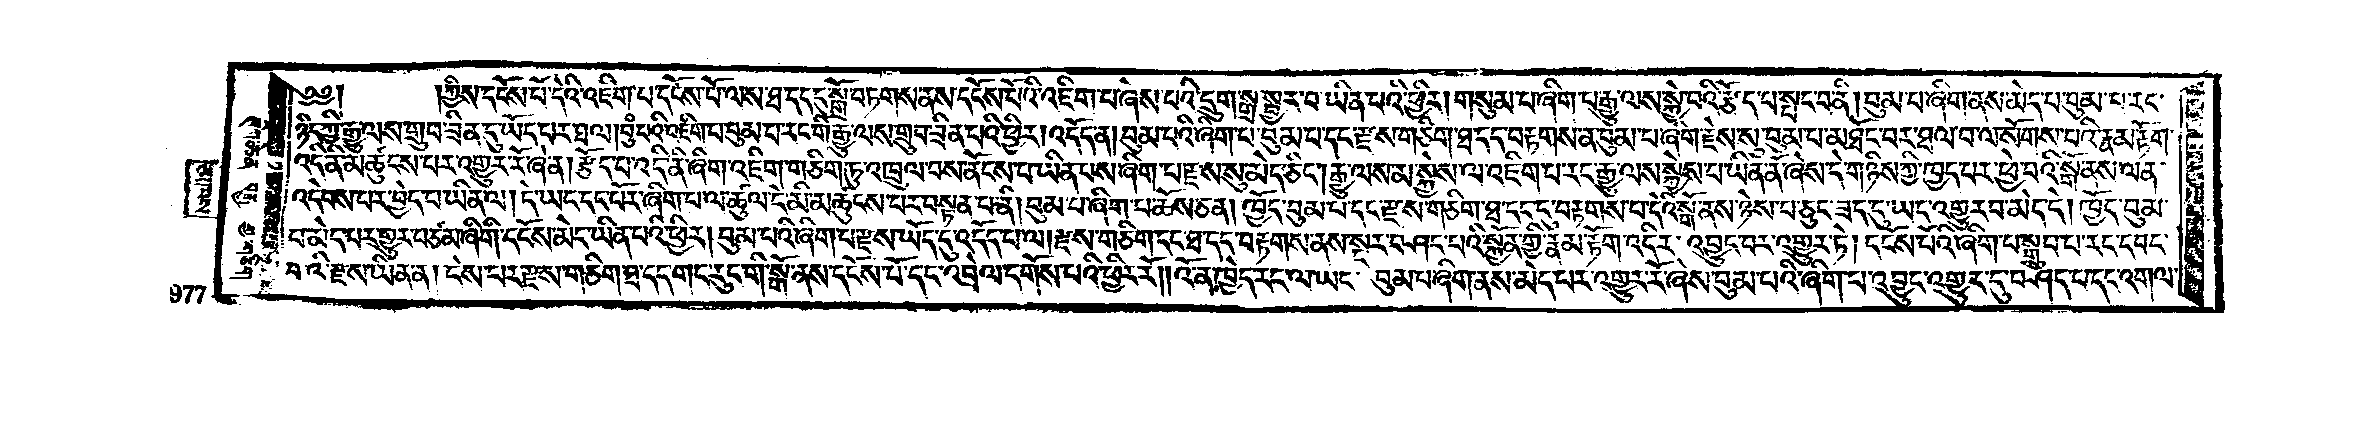༄༅། །ཀྱིས་དངོས་པོ་དེའི་འཇིག་པ་དངོས་པོ་ལས་ཐ་དད་དུ་སྒྲོ་བཏགས་ནས་དངོས་པོའི་འཇིག་པ་ཞེས་པའི་དྲུག་སྒྲ་སྦྱར་བ་ཡིན་པའི་ཕྱིར། གསུམ་པ་ཞིག་པ་རྒྱུ་ལས་སྐྱེ་བའི་རྩོད་པ་སྤང་བ་ནི། བུམ་པ་ཞིག་ནས་མེད་པ་བུམ་པ་རང་
ཉིད་ཀྱི་རྒྱུ་ལས་གྲུབ་ཟིན་དུ་ཡོད་པར་ཐལ། བུམ་པའི་འཇིག་པ་བུམ་པ་རང་གི་རྒྱུ་ལས་གྲུབ་ཟིན་པའི་ཕྱིར། འདོད་ན། བུམ་པའི་ཞིག་པ་བུམ་པ་དང་རྫས་གཅིག་ཐ་དད་བརྟགས་ན་བུམ་པ་ཞིག་རྗེས་སུ་བུམ་པ་མཐོང་བར་ཐལ་བ་ལ་སོགས་པའི་རྣམ་རྟོག་
འདི་ནི་མཚུངས་པར་འགྱུར་རོ་ཞེ་ན། རྩོད་པ་འདི་ནི་ཞིག་འཇིག་གཅིག་ཏུ་འཁྲུལ་བས་ནོངས་པ་ཡིན་པས་ཞིག་པ་རྫས་སུ་མེད་ཅིང་། རྒྱུ་ལས་མ་སྐྱེས་ལ་འཇིག་པ་རང་རྒྱུ་ལས་སྐྱེས་པ་ཡིན་ནོ་ཞེས་དེ་གཉིས་ཀྱི་ཁྱད་པར་ཕྱེ་བའི་སྒོ་ནས་ལན་
འདེབས་པར་བྱེད་པ་ཡིན་ལ། དེ་ཡང་དང་པོར་ཞིག་པ་ལ་ཚུལ་དེ་མི་མཚུངས་པར་བསྟན་པ་ནི། བུམ་པ་ཞིག་པ་ཆོས་ཅན། ཁྱོད་བུམ་པ་དང་རྫས་གཅིག་ཐ་དད་དུ་བརྟགས་པ་དེའི་སྒོ་ནས་ཉེས་པ་ཅུང་ཟད་དུ་ཡང་འགྱུར་བ་མེད་དེ། ཁྱོད་བུམ་
པ་མེད་པར་གྱུར་པ་ཙམ་ཞིག་གི་དངོས་མེད་ཡིན་པའི་ཕྱིར། བུམ་པའི་ཞིག་པ་རྫས་ཡོད་དུ་འདོད་པ་ལ། རྫས་གཅིག་དང་ཐ་དད་བརྟགས་ནས་སྔར་བཤད་པའི་སྐྱོན་གྱི་རྣམ་རྟོག་འདིར་འབྱུང་བར་འགྱུར་ཏེ། དངོས་པོའི་ཞིག་པ་སྒྲུབ་པ་རང་དབང་
བའི་རྫས་ཡིན་ན། ངེས་པར་རྫས་གཅིག་ཐ་དད་གང་རུང་གི་སྒོ་ནས་དངོས་པོ་དང་འབྲེལ་དགོས་པའི་ཕྱིར་རོ། །འོ་ན་ཁྱེད་རང་ལ་ཡང་བུམ་པ་ཞིག་ནས་མེད་པར་འགྱུར་རོ་ཞེས་བུམ་པའི་ཞིག་པ་འབྱུང་འགྱུར་དུ་བཤད་པ་དང་འགལ་